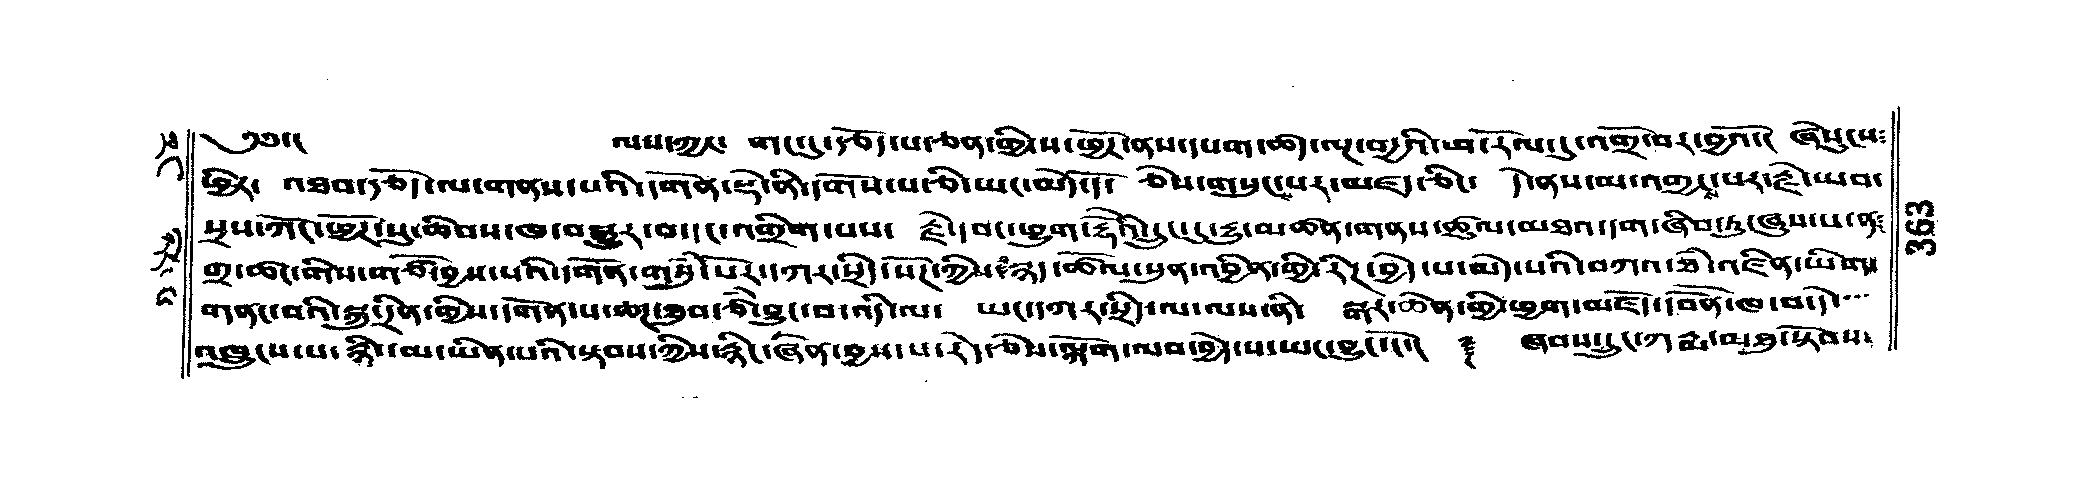ལས་ཀྱང་། གང་དུ་རྩོད་པ་ཅན་གྱི་ས་ཕྱོགས་ནས་དཔག་ཚད་ལྔ་བརྒྱའི་ཕ་རོལ་དུ་འགྲོ་བར་བྱའོ། ཞེས་གསུངས་
ཕྱིར། འཐབ་རྩོད་ལ་གནས་པའི་དགོན་སྡེ་ནི་དགོས་པ་ཅི་ཡང་མེད་དོ། ཞེས་གསུངས་པར་མཛད་ཅིང་། དེ་ནས་མ་འགྱངས་པར་རྗེ་ཡབ་
སྲས་ཀོང་ཕྱོགས་སུ་ཆིབས་ཁ་བསྒྱུར་བ་དང་འགྲིག་པས། རྗེ་དབང་ཕྱུག་རྡོ་རྗེའི་དྲུང་དུ་རྒྱུ་མཚན་གནས་ཚུལ་མཐའ་དག་ཞིབ་ཏུ་ཞུས་པ་ན་
གྲྭ་ཚང་གིས་གཙོ་བྱས་པའི་དགོན་གསུམ་པོར་དཀར་སྲིད་སོགས་ཀྱི་བསྙད་ཚོལ་སུན་འབྱིན་གྱི་རིགས་བྱེད་པ་མེད་པའི་བཀའ་ཐམས་འཛིན་ཡིག་
གནང་བའི་སྐུ་དྲིན་གྱིས་དགོན་པ་ཆགས་ཐུབ་ཙམ་བྱུང་བ་འདི་ལ། ཡང་དཀར་སྲིད་ལ་ལས་ནི། སྒར་ཆེན་གྱི་ཕྱག་མཛོད་དབོན་པོ་ཁ་བ་དེ་
འཁྲུངས་ས་རྙིང་མ་ཡིན་པའི་སྟབས་ཀྱིས་རྙིང་ཞེན་བྱས་པ་རེད་ཅེས་ལྐོག་ལབ་བྱེད་པ་ཡང་བྱུང་ངོ་། ཞབས་དྲུང་ཀརྨ་མཐུ་སྟོབས་